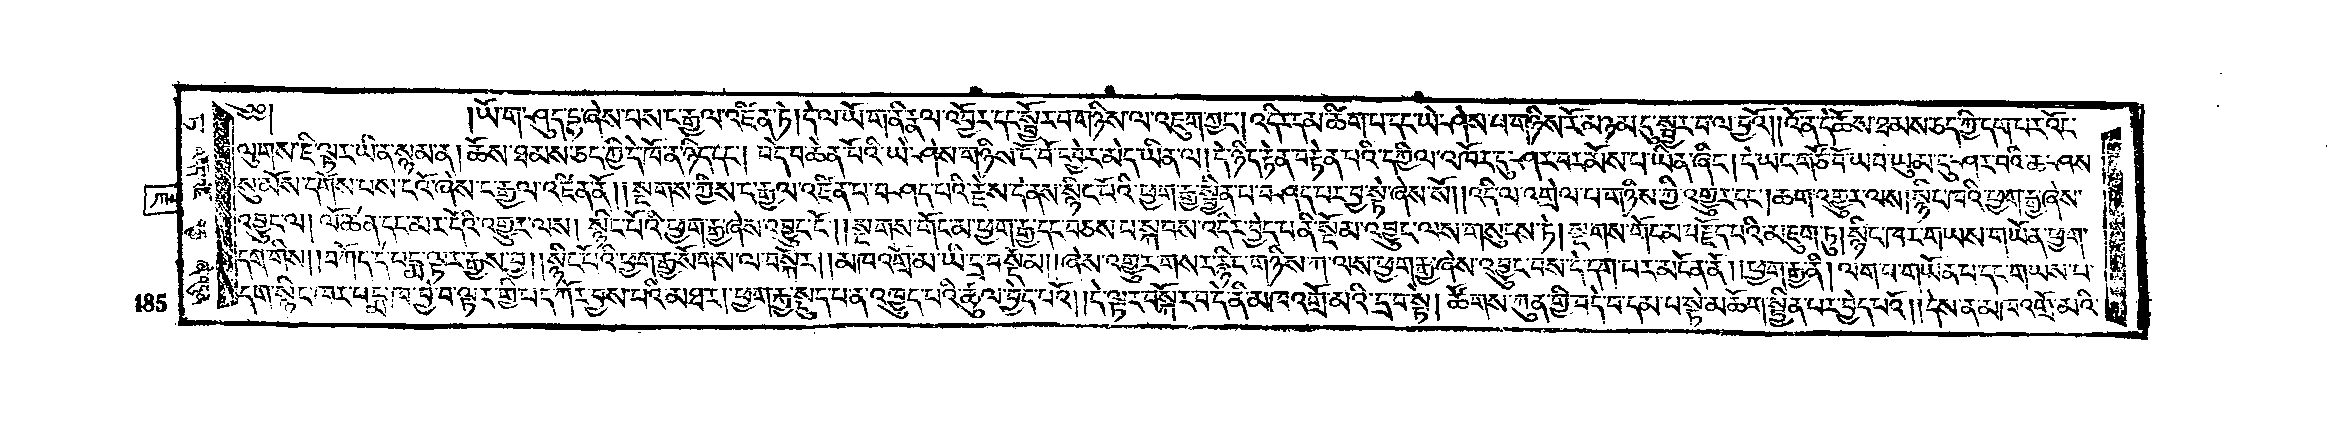༄༅། །ཡོ་ག་ཤུད་དྷ་ཞེས་པས་ང་རྒྱལ་འཛིན་ཏེ། དེ་ལ་ཡོ་ག་ནི་རྣལ་འབྱོར་དང་སྦྱོར་བ་གཉིས་ལ་འཇུག་ཀྱང་། འདིར་དམ་ཚིག་པ་དང་ཡེ་ཤེས་པ་གཉིས་རོ་མཉམ་དུ་སྦྱར་བ་ལ་བྱའོ། །འོ་ན་དེ་ཆོས་ཐམས་ཅད་ཀྱི་དག་པར་འོང་
ལུགས་ཇི་ལྟར་ཡིན་སྙམ་ན། ཆོས་ཐམས་ཅད་ཀྱི་དེ་ཁོ་ན་ཉིད་དང་། བདེ་བ་ཆེན་པོའི་ཡེ་ཤེས་གཉིས་ངོ་བོ་དབྱེར་མེད་ཡིན་ལ། དེ་ཉིད་རྟེན་བརྟེན་པའི་དཀྱིལ་འཁོར་དུ་ཤར་བར་མོས་པ་ཡིན་ཞིང་། དེ་ཡང་གཙོ་བོ་ཡབ་ཡུམ་དུ་ཤར་བའི་ཆ་ཤས་
སུ་མོས་དགོས་པས་ངའོ་ཞེས་ང་རྒྱལ་འཛིན་ནོ། །སྔགས་ཀྱིས་ང་རྒྱལ་འཛིན་པ་བཤད་པའི་རྗེས་དེ་ནས་སྙིང་པོའི་ཕྱག་རྒྱ་སྦྱིན་པ་བཤད་པར་བྱ་སྟེ་ཞེས་སོ། །འདི་ལ་འགྲེལ་པ་གཉིས་ཀྱི་འགྱུར་དང་། ཆག་འགྱུར་ལས། སྙིང་ཁའི་ཕྱག་རྒྱ་ཞེས་
འབྱུང་ལ། ལོ་ཆེན་དང་མར་དོའི་འགྱུར་ལས། སྙིང་པོའི་ཕྱག་རྒྱ་ཞེས་འབྱུང་ངོ། །སྔས་གོང་མ་ཕྱག་རྒྱ་དང་བཅས་པ་སྐབས་འདིར་བྱེད་པ་ནི་སྡོམ་འབྱུང་ལས་གསུངས་ཏེ། སྔགས་གོང་མ་བརྗོད་པའི་མཇུག་ཏུ། སྙིང་ཁར་གཡས་གཡོན་ཕྱག་
དག་གིས། །བཀོད་དེ་པདམ་ལྟར་རྒྱས་བྱ། །སྙིང་པོའི་ཕྱག་རྒྱ་སོགས་ལ་བསྐོར། །མཁའ་འགྲོ་མ་ཡི་དྲ་བ་སྡོམ། །ཞེས་འགྱུར་གསར་རྙིང་གཉིས་ཀ་ལས་ཕྱག་རྒྱ་ཞེས་འབྱུང་བས་དེ་དག་པར་མངོན་ནོ། །ཕྱག་རྒྱ་ནི། ལག་པ་གཡོན་པ་དང་གཡས་པ་
དག་སྙིང་ཁར་པདམ་ཁ་བྱེ་བ་ལྟར་གྱིས་པད་ཁོར་བྱས་པའི་མཐར། ཕྱག་རྐྱ་སྡུད་པ་ན་འཁྱུད་པའི་ཚུལ་བྱེད་པའོ། །དེ་ལྟར་བསྐོར་བ་དེ་ནི་མཁའ་འགྲོ་མའི་དྲ་བ་སྟེ། ཚོགས་ཀུན་གྱི་བདེ་བ་དམ་པ་སྟེ་མཆོག་སྦྱིན་པར་བྱེད་པའོ། །དེས་ན་མཁའ་འགྲོ་མའི་